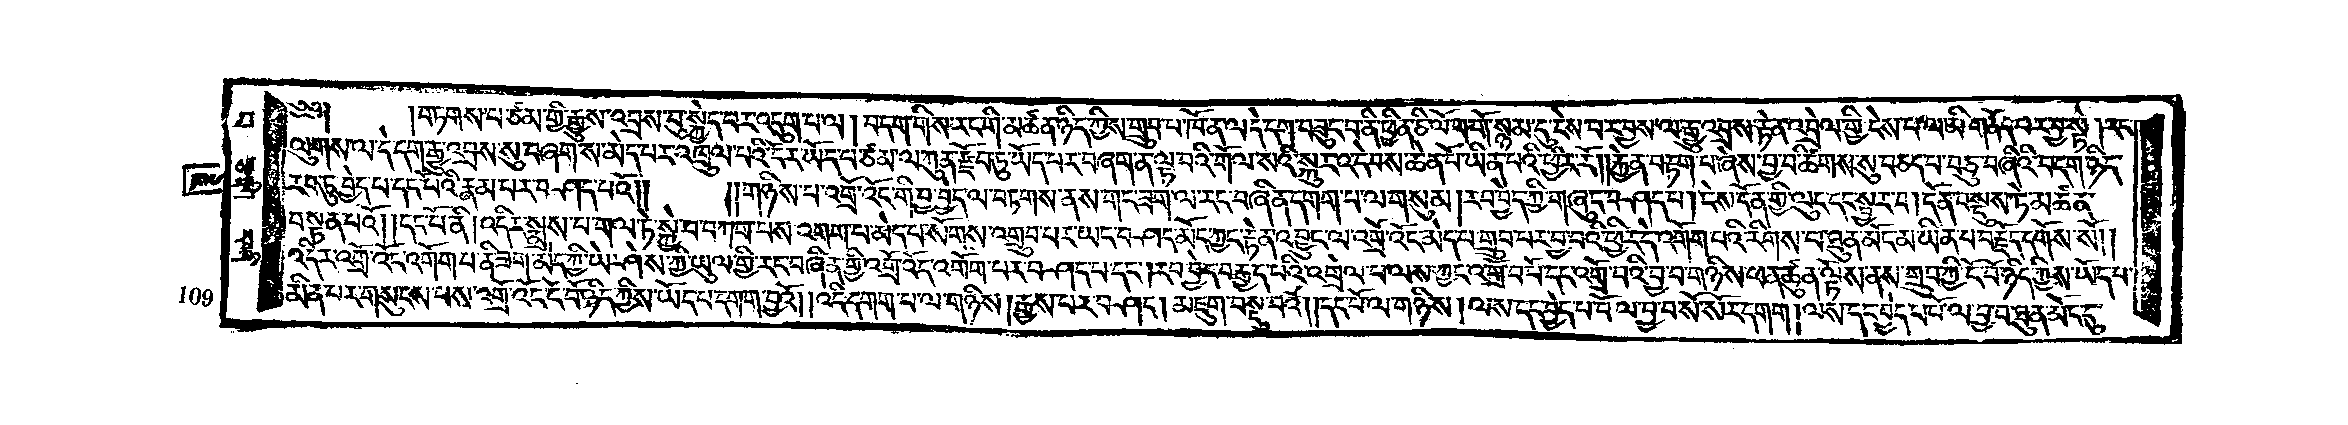༄༅། །བཏགས་པ་ཙམ་གྱི་རྒྱུས་འབྲས་བུ་སྐྱེད་པར་འདུག་པ་ལ། བདག་གིས་རང་གི་མཚན་ཉིད་ཀྱིས་གྲུབ་པ་ཁོ་ན་ལ་དེ་དག་བཟུང་བ་ནི་ཕྱིན་ཅི་ལོག་གོ་སྙམ་དུ་ངེས་པར་བྱས་ལ་རྒྱུ་འབྲས་རྟེན་འབྲེལ་གྱི་ངེས་པ་ལ་མི་གནོད་པར་བྱ་སྟེ། རང་
ལུགས་ལ་དེ་དག་རྒྱུ་འབྲས་སུ་བཞག་ས་མེད་པར་འཁྲུལ་པའི་དོར་ཡོད་པ་ཙམ་ལ་ཀུན་རྫོབ་ཏུ་ཡོད་པར་བཞན་ལ་ལྟ་བའི་གོལ་སའི་སྐུར་འདེབས་ཆེན་པོ་ཡིན་པའི་ཕྱིར་རོ། །རྐྱེན་བརྟག་པ་ཞེས་བྱ་བ་ཚིགས་སུ་བཅད་པ་བཅུ་བཞིའི་བདག་ཉིད་
རབ་ཏུ་བྱེད་པ་དང་པོའི་རྣམ་པར་བཤད་པའོ།། །།གཉིས་པ་འགྲོ་འོང་གི་བྱ་བྱེད་ལ་བཏགས་ནས་གང་ཟག་ལ་རང་བཞིན་དགག་པ་ལ་གསུམ། རབ་བྱེད་ཀྱི་གཞུང་བཤད་པ། ངེས་དོན་གྱི་ལུང་དང་སྦྱར་བ། དོན་བསྡུས་ཏེ་མཚན་
བསྟན་པའོ། །དང་པོ་ནི། འདིར་སྨྲས་པ་གལ་ཏེ་སྐྱེ་བ་བཀག་པས་འགག་པ་མེད་པ་སོགས་འགྲུབ་པར་ཡང་བཤད་མོད་ཀྱང་རྟེན་འབྱུང་བ་འགྲོ་འོང་མེད་པ་གྲུབ་པར་བྱ་བའི་ཕྱིར་དེ་འགོག་པའི་རིགས་པ་ཐུན་མོང་མ་ཡིན་པ་བརྗོད་དགོས་སོ། །
འདིར་འགྲོ་འོང་འགོག་པ་ནི་ཟག་མེད་ཀྱི་ཡེ་ཤེས་ཀྱི་ཡུལ་གྱི་རང་བཞིན་གྱི་འགྲོ་འོང་འགོག་པར་བཤད་པ་དང་། རབ་བྱེད་བརྒྱད་པའི་འགྲེལ་པ་ལས་ཀྱང་འགྲོ་བ་པོ་དང་འགྲོ་བའི་བྱ་བ་གཉིས་ཕན་ཚུན་ལྟོས་ནས་གྲུབ་ཀྱི་ངོ་བོ་ཉིད་ཀྱིས་ཡོད་པ་
མིན་པར་གསུངས་པས་འགྲོ་འོང་ངོ་བོ་ཉིད་ཀྱིས་ཡོད་པར་དགག་བྱའོ། །འདི་དགག་པ་ལ་གཉིས། རྒྱས་པར་བཤད། མཇུག་བསྡུ་བའོ། །དང་པོ་ལ་གཉིས། ལས་དང་བྱེད་པ་པོ་ལ་བྱ་བ་སོ་སོར་དགག། ལས་དང་བྱེད་པ་པོ་ལ་བྱ་བ་ཐུན་མོང་དུ་